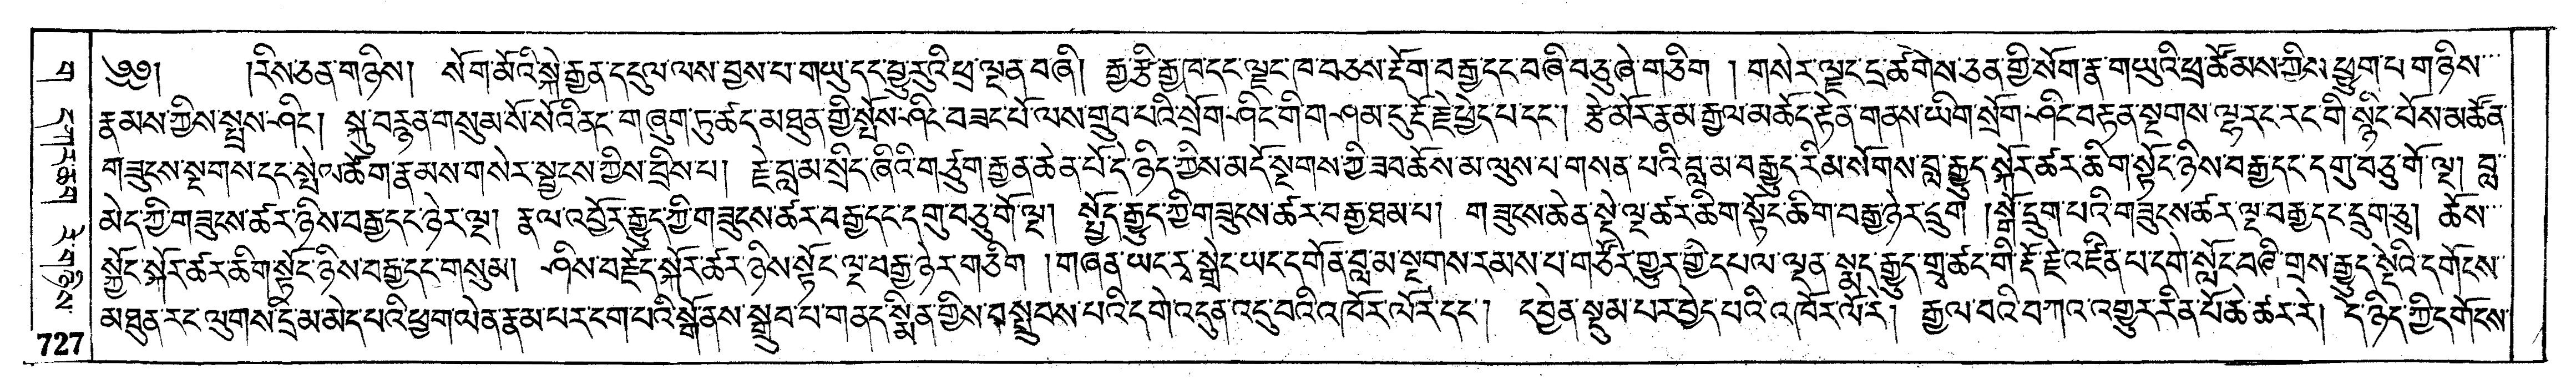༄༅། །རིས་ཅན་གཉིས། སོག་མོའི་སྐེ་རྒྱན་དངུལ་ལས་བྱས་པ་གཡུ་དང་བྱུ་རུའི་ཕྲ་ལྡན་བཞི། རྒྱ་རྩི་རྒྱ་ཁ་དང་ལྗང་ཁ་བཅས་རྡོག་བརྒྱ་དང་བཞི་བཅུ་ཞེ་གཅིག །གསེར་ལྗང་དྲ་ཚགས་ཅན་གྱི་སོག་རྣ་གཡུའི་ཕྲ་ཚོམས་ཀྱིས་ཕྱུག་པ་གཉིས་
རྣམས་ཀྱིས་སྤྲས་ཤིང་། སྐུ་བརྙན་གསུམ་སོ་སོའི་ནང་གཞུག་ཏུ་ཚད་མཐུན་གྱི་སྤོས་ཤིང་བཟང་པོ་ལས་གྲུབ་པའི་སྲོག་ཤིང་གི་གཤམ་དུ་རྡོ་རྗེ་ཕྱེད་པ་དང་། རྩེ་མོར་རྣམ་རྒྱལ་མཆོད་རྟེན་གནས་ཡིག་སྲོག་ཤིང་བརྟན་སྔགས་ལྷ་རང་རང་གི་སྙིང་པོས་མཚོན་
གཟུངས་སྔགས་དང་སྤེལ་ཚིག་རྣམས་གསེར་སྦྱངས་ཀྱིས་བྲིས་པ། རྗེ་བླ་མ་སྲིད་ཞིའི་གཙུག་རྒྱན་ཆེན་པོ་དེ་ཉིད་ཀྱིས་མདོ་སྔགས་ཀྱི་ཟབ་ཆོས་མ་ལུས་པ་གསན་པའི་བླ་མ་བརྒྱུད་རིམ་སོགས་བླ་རྒྱུད་སྐོར་ཚར་ཆིག་སྟོང་ཉིས་བརྒྱ་དང་དགུ་བཅུ་གོ་ལྔ། བླ་
མེད་ཀྱི་གཟུངས་ཚར་ཉིས་བརྒྱ་དང་ཉེར་ལྔ། རྣལ་འབྱོར་རྒྱུད་ཀྱི་གཟུངས་ཚར་བརྒྱ་དང་དགུ་བཅུ་གོ་ལྔ། སྤྱོད་རྒྱུད་ཀྱི་གཟུངས་ཚར་བརྒྱ་ཐམ་པ། གཟུངས་ཆེན་སྡེ་ལྔ་ཚར་ཆིག་སྟོང་ཆིག་བརྒྱ་ཉེར་དྲུག །སྒོ་དྲུག་པའི་གཟུངས་ཚར་ལྔ་བརྒྱ་དང་དྲུག་ཅུ། ཆོས་
སྐྱོང་སྐོར་ཚར་ཆིག་སྟོང་ཉིས་བརྒྱ་དང་གསུམ། ཤིས་བརྗོད་སྐོར་ཚར་ཉིས་སྟོང་ལྔ་བརྒྱ་ཉེར་གཅིག །གཞན་ཡང་རྭ་སྒྲེང་ཡང་དགོན་བླ་མ་སྔགས་རམས་པ་གཙོར་གྱུར་གྱི་དཔལ་ལྡན་སྨང་རྒྱུད་གྲྭ་ཚང་གི་རྡོ་རྗེ་འཛིན་པ་དགེ་སློང་བཞི་གྲས་རྒྱུད་སྡེའི་དགོངས་
མཐུན་རང་ལུགས་དྲི་མ་མེད་པའི་ཕྱག་ལེན་རྣམ་པར་དག་པའི་སྒོ་ནས་སྒྲུབ་པ་གནད་སྨིན་གྱིས་བསྒྲུབས་པའི་དགེ་འདུན་འདུ་བའི་འཁོར་ལོ་རེ་དང་། དབྱེན་སྡུམ་པར་བྱེད་པའི་འཁོར་ལོ་རེ། རྒྱལ་བའི་བཀའ་འགྱུར་རིན་པོ་ཆེ་ཚར་རེ། དེ་ཉིད་ཀྱི་དགོངས་